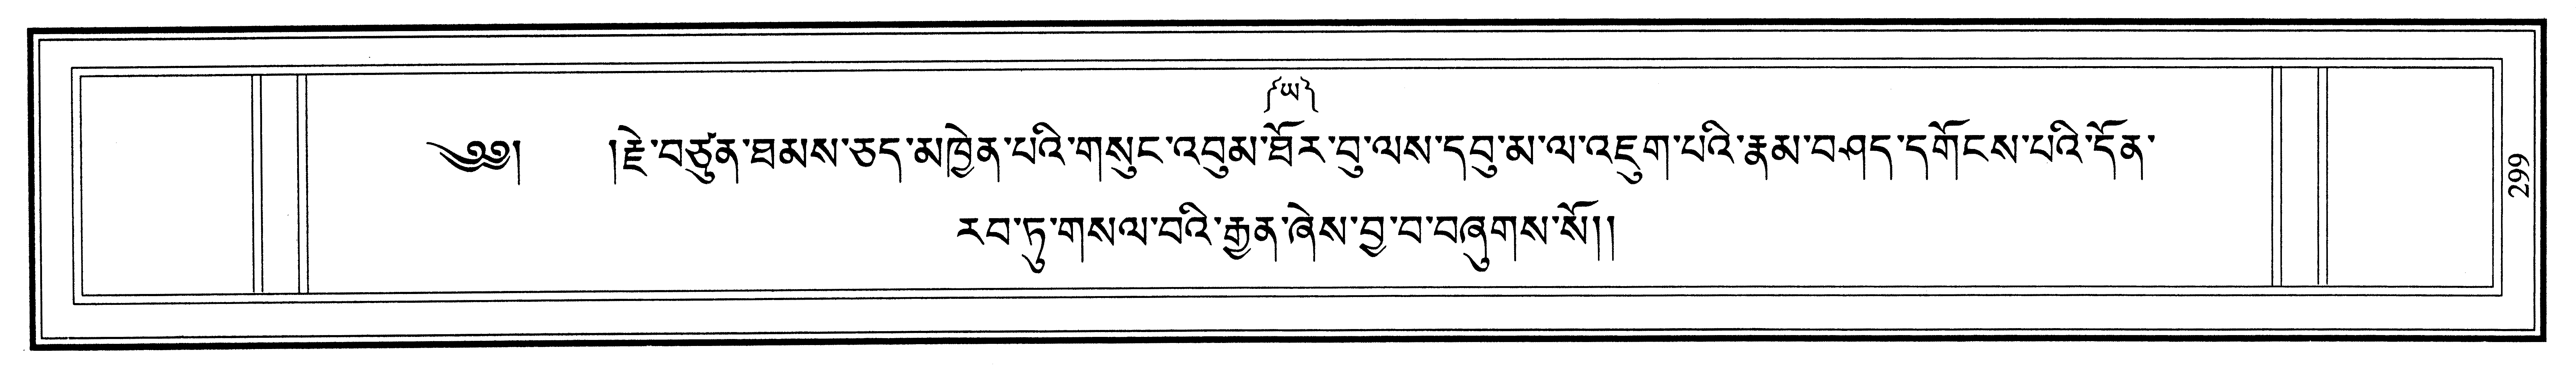༄༅། །རྗེ་བཙུན་ཐམས་ཅད་མཁྱེན་པའི་གསུང་འབུམ་ཐོར་བུ་ལས་དབུ་མ་ལ་འཇུག་པའི་རྣམ་བཤད་དགོངས་པའི་དོན་
རབ་ཏུ་གསལ་བའི་རྒྱན་ཞེས་བྱ་བ་བཞུགས་སོ།།